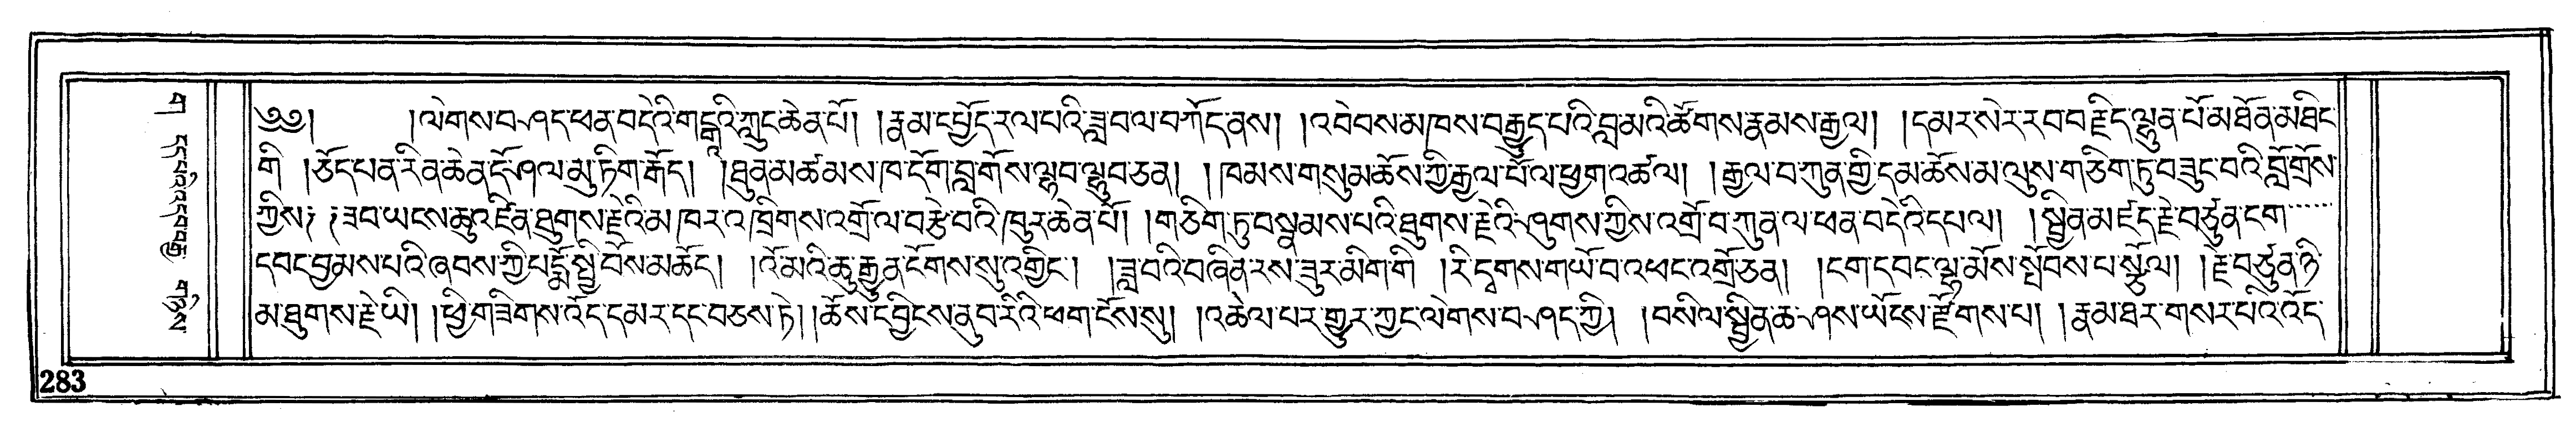༄༅། །ལེགས་བཤད་ཕན་བདེའི་གངྒཱའི་ཀླུང་ཆེན་པོ། །རྣམ་དཔྱོད་རལ་པའི་ཟླ་བ་ལ་བཀོད་ནས། །འབེབས་མཁས་བརྒྱུད་པའི་བླ་མའི་ཚོགས་རྣམས་རྒྱལ། །དམར་སེར་རབ་བརྗིད་ལྷུན་པོ་མཐོན་མཐིང་
གི །ཅོད་པན་རིན་ཆེན་དོ་ཤལ་མུ་ཏིག་རྒོད། །ཐུན་མཚམས་ཁ་དོག་བླ་གོས་ལྷབ་ལྷུབ་ཅན། །ཁམས་གསུམ་ཆོས་ཀྱི་རྒྱལ་པོ་ལ་ཕྱག་འཚལ། །རྒྱལ་བ་ཀུན་གྱི་དམ་ཆོས་མ་ལུས་གཅིག་ཏུ་བཟུང་བའི་བློ་གྲོས་
ཀྱིས༑ ༑ཟབ་ཡངས་ཆུ་འཛིན་ཐུགས་རྗེའི་མཁར་འཁྲིགས་འགྲོ་ལ་བརྩེ་བའི་ཁུར་ཆེན་པོ། །གཅིག་ཏུ་བསྣམས་པའི་ཐུགས་རྗེའི་ཤུགས་ཀྱིས་འགྲོ་བ་ཀུན་ལ་ཕན་བདེའི་དཔལ། །སྦྱིན་མཛད་རྗེ་བཙུན་ངག་
དབང་བྱམས་པའི་ཞབས་ཀྱི་པདམོ་སྦྱི་བོས་མཆོད། །འོ་མའི་ཆུ་རྒྱུན་ངོགས་སུ་འགྱིང་། །ཟླ་བའི་བཞིན་རས་ཟུར་མིག་གི །རི་དྭགས་གཡོ་བ་འཕང་འགྲོ་ཅན། །ངག་དབང་ལྷ་མོས་སྤོབས་པ་སྩོལ། །རྗེ་བཙུན་ཉི་
མ་ཐུགས་རྗེ་ཡི། །ཕྱི་གཟིགས་འོད་དམར་དང་བཅས་ཏེ། །ཆོས་དབྱིངས་ནུབ་རིའི་ཕག་ངོས་སུ། །འཆེལ་བར་གྱུར་ཀྱང་ལེགས་བཤད་ཀྱི། །བསིལ་སྦྱིན་ཆ་ཤས་ཡོངས་རྫོགས་པ། །རྣམ་ཐར་གསར་པའི་འོད་